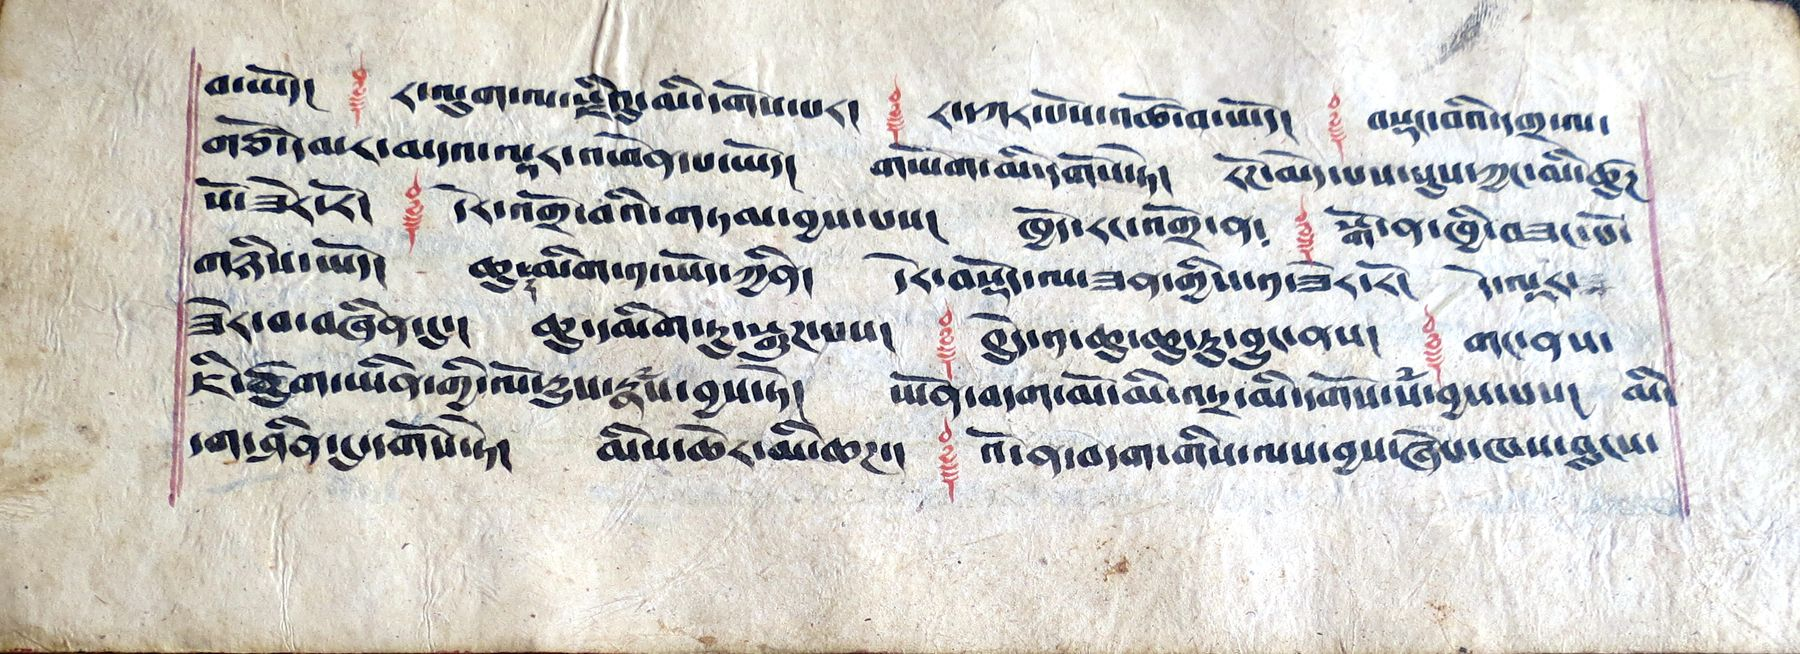བ་ཡོད། ར་ལུག་ལ་རྫིའུ་མི་དགོས་པར་ར་དཀར་པོས་འཚོ་བ་ཡོད། སྡང་བའི་དགྲ་ལ་
ཙོ་དམར་མདའ་ལྟར་འཕེན་པ་ཡོད། གཡོག་མི་དགོས་ཏེ་གྲོགས་མེད་པས་སུས་ཀྱང་མི་ཚུགས་
སོ་ཟེར་རོ། ། དེར་འགྲོ་བའི་གཏམ་བྱས་པས་ཁྱེད་རང་འགྲོ་ན་སྒོ་ན་ཁྱི་བཟང་པོ་
གཉིས་ཡོད། ཆུ་མིག་གཅིག་ཡོད་ཀྱི། དེར་སྡོད་ལ་ཟོན་གྱིས་ཤིག་ཟེར་རོ། ། དེ་ལྟར་
ཟེར་བ་བཞིན་དུ་ཆུ་མིག་ཏུ་སྒུག་པས། བུད་མེད་ཅིག་ཆུ་འཆུ་རུ་བྱུང་ནས་གང་ནས་
ཅི་ཙུག་ཡིན་གྱིས་ལོ་རྒྱུས་རྣམས་བྱས་ཏེ། ཡོན་བདག་མོ་མི་འདྲ་མི་དགོས་སམ་བྱས་པས། མི་
དག་ཤིན་ཏུ་དགོས་ཏེ། མིས་ཆེར་མི་ཆགས། འོ་ན་བདག་གིས་ལས་བྱ་ཞེས་ཁས་བླངས་